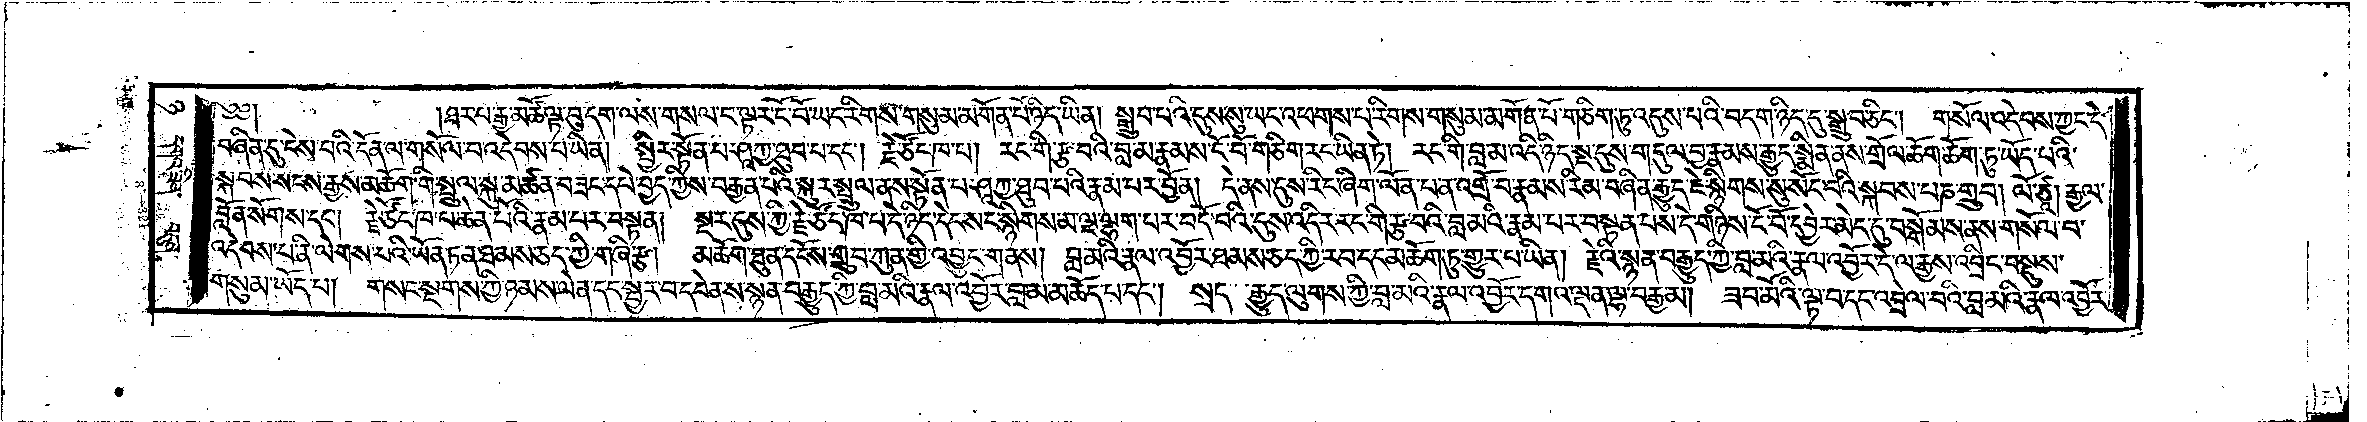༄༅། །ཐར་པ་རྒྱ་མཚོ་ལྟ་བུ་དག་ལས་གསལ་བ་ལྟར་ངོ་བོ་ཡང་རིགས་གསུམ་མགོན་པོ་ཉིད་ཡིན། སྒྲུབ་པའི་དུས་སུ་ཡང་འཕགས་པ་རིགས་གསུམ་མགོན་པོ་གཅིག་ཏུ་འདུས་པའི་བདག་ཉིད་དུ་སྒྲུབ་ཅིང་། གསོལ་འདེབས་ཀྱང་དེ་
བཞིན་དུ་ངེས་པའི་དོན་ལ་གསོལ་བ་འདེབས་པ་ཡིན། སྤྱིར་སྟོན་པ་ཤཱཀྱ་ཐུབ་པ་དང་། རྗེ་ཙོང་ཁ་པ། རང་གི་རྩ་བའི་བླ་མ་རྣམས་ངོ་བོ་གཅིག་རང་ཡིན་ཏེ། རང་གི་བླ་མ་འདི་ཉིད་སྔ་དུས་གདུལ་བྱ་རྣམས་རྒྱུད་སྨིན་ནས་གྲོལ་ཆོག་ཆོག་ཏུ་ཡོད་པའི་
སྐབས་སངས་རྒྱས་མཆོག་གི་སྤྲུལ་སྐུ་མཚན་བཟང་དཔེ་བྱད་ཀྱིས་བརྒྱན་པའི་སྐུར་སྤྲུལ་ནས་སྟོན་པ་ཤཱཀྱ་ཐུབ་པའི་རྣམ་པར་བྱོན། དེ་ནས་དུས་རིང་ཞིག་ལོན་པ་ན་འགྲོ་བ་རྣམས་རིམ་བཞིན་རྒྱུད་ཇེ་སྙིགས་སུ་སོང་བའི་སྐབས་པཎ་གྲུབ། ལོ་ཙཱ། རྒྱལ་
བློན་སོགས་དང་། རྗེ་ཙོང་ཁ་པ་ཆེན་པོའི་རྣམ་པར་བསྟན། སྔར་དུས་ཀྱི་རྗེ་ཙོང་ཁ་པ་དེ་ཉིད་དེང་སང་སྙིགས་མ་ལྔ་ལྷག་པར་བདོ་བའི་དུས་འདིར་རང་གི་རྩ་བའི་བླ་མའི་རྣམ་པར་བསྟན་པས་དེ་གཉིས་ངོ་བོ་དབྱེར་མེད་དུ་བསྒོམས་ནས་གསོལ་བ་
འདེབས་པ་ནི་ལེགས་པའི་ཡོན་ཏན་ཐམས་ཅད་ཀྱི་གཞི་རྩ། མཆོག་ཐུན་དངོས་གྲུབ་ཀུན་གྱི་འབྱུང་གནས། བླ་མའི་རྣལ་འབྱོར་ཐམས་ཅད་ཀྱི་རབ་དང་མཆོག་ཏུ་གྱུར་པ་ཡིན། རྗེའི་སྙན་བརྒྱུད་ཀྱི་བླ་མའི་རྣལ་འབྱོར་དེ་ལ་རྒྱས་འབྲིང་བསྡུས་
གསུམ་ཡོད་པ། གསང་སྔགས་ཀྱི་ཉམས་ལེན་དང་སྦྱར་བ་དབེན་ས་སྙན་བརྒྱུད་ཀྱི་བླ་མའི་རྣལ་འབྱོར་བླ་མ་མཆོད་པ་དང་། སྲད་རྒྱུད་ལུགས་ཀྱི་བླ་མའི་རྣལ་འབྱོར་དགའ་ལྡན་ལྷ་བརྒྱ་མ། ཟབ་མོའི་ལྟ་བ་དང་འབྲེལ་བའི་བླ་མའི་རྣལ་འབྱོར་